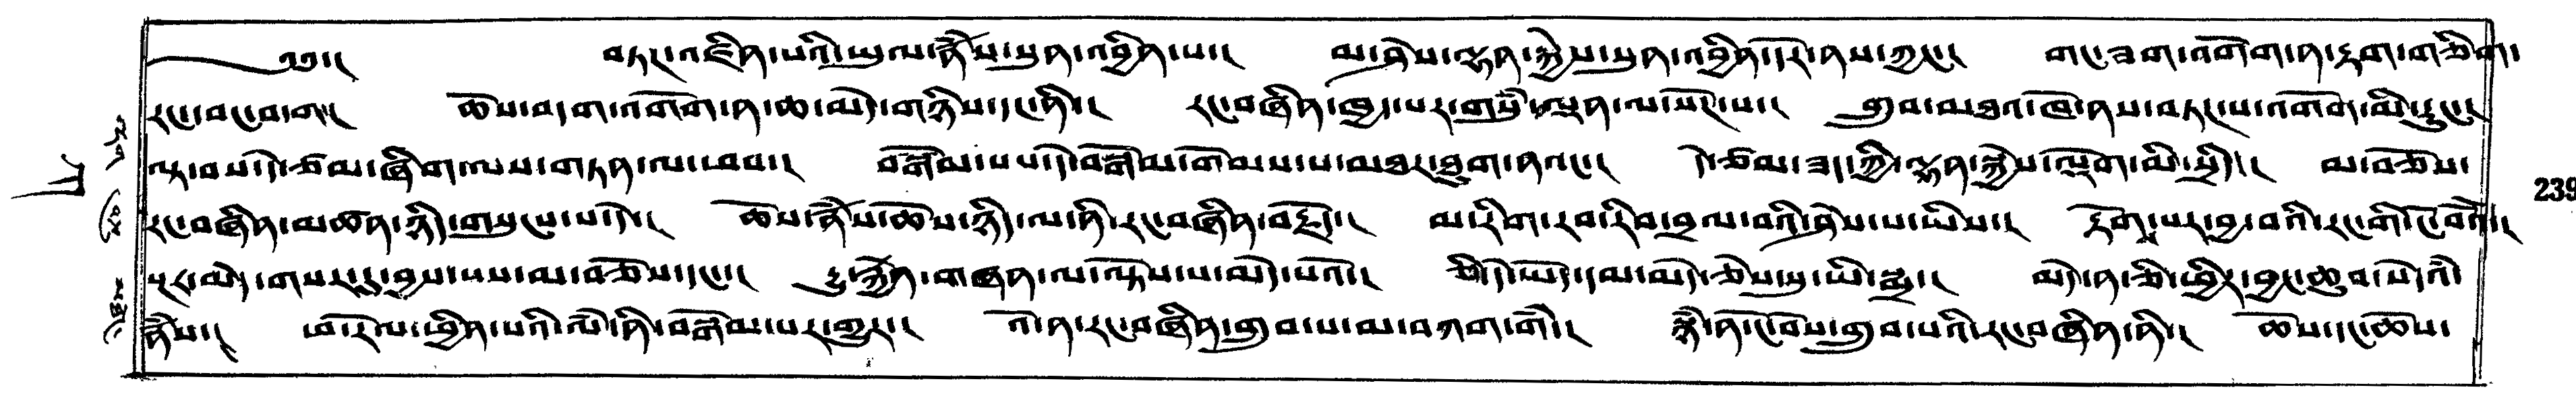བཏགས་འཛིན་པའི་ཡུལ་རྣམས་སུན་འབྱིན་པ། །མ་ཤེས་ལྷན་སྐྱེས་སུན་འབྱིན་དོར་ནས་ཀྱང་། །གང་ཟག་འགོག་ན་རྟག་གཅིག་
རང་དབང་བདག །ཆོས་བདག་འགོག་ན་ཆ་མེད་གཉིས་དང་ནི། །རང་བཞིན་ཁྱད་པར་གསུམ་ལྡན་ལ་སོགས་པ། །གྲུབ་མཐའ་ཁོ་ནས་བཏགས་པ་འགོག་མི་རུང་། །
ལྟ་བས་དེ་ཙམ་ཞིག་ལས་གཏན་ལ་ཕབ། །བསྒོམ་པས་དེ་བསྒོམ་གོམས་པ་མཐར་ཐུག་ནའང་། །དེ་ཙམ་ཟད་ཀྱི་ལྷན་སྐྱེས་ལྡོག་མི་སྲིད། །མ་བཅོས་
རང་བཞིན་མཚན་ཉིད་གསུངས་པ་དེ། །ཆོས་རྣམས་ཆོས་ཉིད་ལ་ནི་རང་བཞིན་བརྗོད། །མ་རིག་རབ་རིབ་བྲལ་བའི་ཤེས་པ་ཡིས། །རྟོགས་པར་བྱ་བའི་རང་གི་ངོ་བོའོ། །
སྔར་མེད་གསར་དུ་བྱས་པས་མ་བཅོས་དང་། །རྒྱུ་རྐྱེན་གཞན་ལ་ལྟོས་པ་མེད་པའོ། །ཅི་དེ་ཡོད་དམ་མེད་ཅེས་སུ་ཡི་སྨྲ། །མེད་ན་ཅི་ཕྱིར་བྱང་ཆུབ་སེམས་དཔའ་
རྣམས། །ཕ་རོལ་ཕྱིན་པའི་ལམ་ནི་བསྒོམ་པར་གྱུར། །འོ་ན་རང་བཞིན་གྲུབ་པ་མ་བཀག་གམ། །སྙམ་ན་ངོ་བོས་གྲུབ་པའི་རང་བཞིན་ནི། །ཆོས་དང་ཆོས་